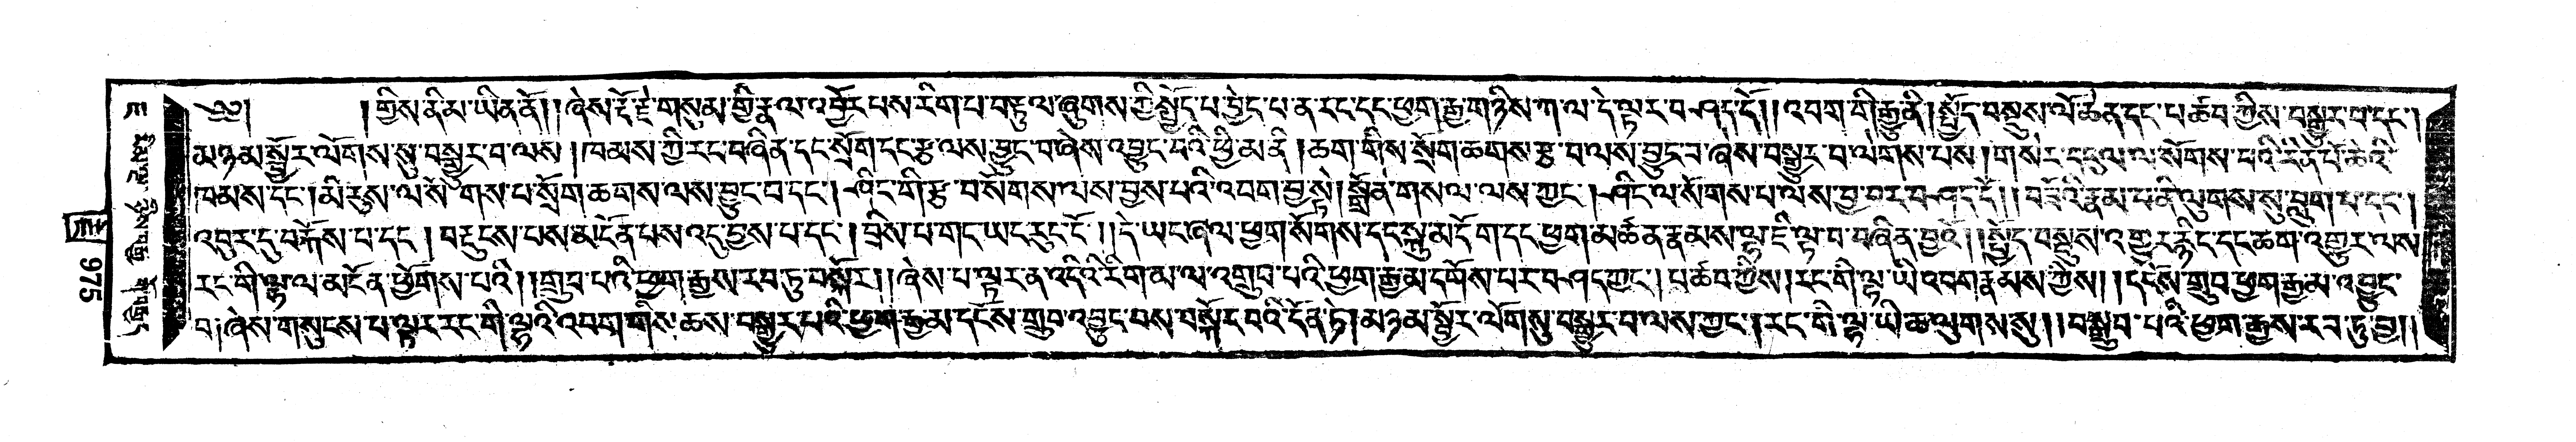༄༅། །གྱིས་ནི་མ་ཡིན་ནོ། །ཞེས་རྡོ་རྗེ་གསུམ་གྱི་རྣལ་འབྱོར་པས་རིག་པ་བརྟུལ་ཞུགས་ཀྱི་སྤྱོད་པ་བྱེད་པ་ན་རང་དང་ཕྱག་རྒྱ་གཉིས་ཀ་ལ་དེ་ལྟར་བཤད་དོ། །འབག་གི་རྒྱུ་ནི། སྤྱོད་བསྡུས་ལོ་ཚན་དང་པ་ཚབ་ཀྱིས་བསྒྱུར་བ་དང་།
མཉམ་སྦྱོར་ལེགས་སུ་བསྒྱུར་བ་ལས། ཁམས་ཀྱི་རང་བཞིན་དང་སྲོག་དང་རྩ་ལས་བྱུང་བ་ཞེས་འབྱུང་བའི་ཕྱི་མ་ནི། ཆག་གིས་སྲོག་ཆགས་རྩ་བ་ལས་བྱུང་བ་ཞེས་བསྒྱུར་བ་ལེགས་པས། གསེར་དངུལ་ལ་སོགས་པའི་རིན་པོ་ཆེའི་
ཁམས་དང་། མི་རུས་ལ་སོགས་པ་སྲོག་ཆགས་ལས་བྱུང་བ་དང་། ཤིང་གི་རྩ་བ་སོགས་ལས་བྱས་པའི་འབག་བྱ་སྟེ། སྒྲོན་གསལ་ལས་ཀྱང་། ཤིང་ལ་སོགས་པ་ལས་བྱ་བར་བཤད་དོ། །བཟོའི་རྣམ་པ་ནི་ལུགས་སུ་བླུག་པ་དང་།
འབུར་དུ་བརྐོས་པ་དང་། བརྡུངས་པས་མངོན་པས་འདུ་བྱས་པ་དང་། བྲིས་པ་གང་ཡང་རུང་ངོ། །དེ་ཡང་ཞལ་ཕྱག་སོགས་དང་སྐུ་མདོག་དང་ཕྱག་མཚན་རྣམས་ལྷ་ཇི་ལྟ་བ་བཞིན་བྱའོ། །སྤྱོད་བསྡུས་འགྱུར་རྙིང་དང་ཆག་འགྱུར་ལས། །
རང་གི་ལྷ་ལ་མངོན་ཕྱོགས་པའི། །གྲུབ་པའི་ཕྱག་རྒྱས་རབ་ཏུ་བསྐོར། །ཞེས་པ་ལྟར་ན་འདིའི་རིག་མ་ལ་འགྲུབ་པའི་ཕྱག་རྒྱ་མ་དགོས་པར་བཤད་ཀྱང་། པ་ཚབ་ཀྱིས། རང་གི་ལྷ་ཡི་འབག་རྣམས་ཀྱིས། །དངོས་གྲུབ་ཕྱག་རྒྱ་མ་འབྱུང་
བ། ཞེས་གསུངས་པ་ལྟར་རང་གི་ལྷའི་འབག་གིས་ཆས་བསྒྱུར་བའི་ཕྱག་རྒྱ་མ་དངོས་གྲུབ་འབྱུང་བས་བསྐོར་བའི་དོན་ཏེ། མཉམ་སྦྱོར་ལོགས་སུ་བསྒྱུར་བ་ལས་ཀྱང་། རང་གི་ལྷ་ཡི་ཆ་ལུགས་སུ། །བསྒྲུབ་པའི་ཕྱག་རྒྱས་རབ་ཏུ་བྱ། །